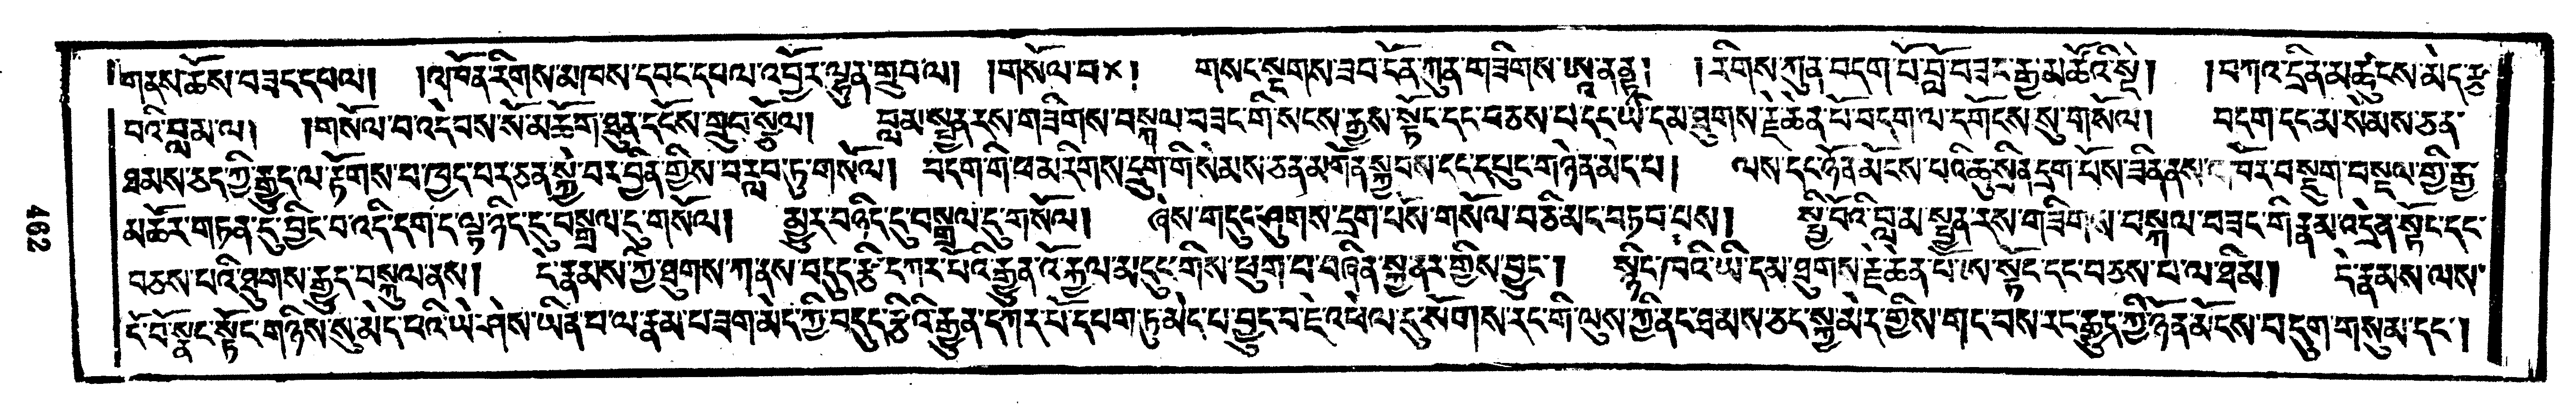གནས་ཆོས་བཟད་དཔལ། །འཁོན་རིགས་མཁས་དབང་དཔལ་འབྱོར་ལྷུན་གྲུབ་ལ། །གསོལ་བ་྾། གསང་སྔགས་ཟབ་དོན་ཀུན་གཟིགས་ཨཱ་ནནྟ། །རིགས་ཀུན་བདག་པོ་བློ་བཟང་རྒྱ་མཚོའི་སྡེ། །བཀའ་དྲིན་མཚུངས་མེད་རྩ་
བའི་བླ་མ་ལ། །གསོལ་བ་འདེབས་སོ་མཆོག་ཐུན་དངོས་གྲུབ་སྩོལ། བླ་མ་སྤྱན་རས་གཟིགས་བསྐལ་བཟང་གི་སངས་རྒྱས་སྟོང་དང་བཅས་པ་དང་ཡི་དམ་ཐུགས་རྗེ་ཆེན་པོ་བདག་ལ་དགོངས་སུ་གསོལ། བདག་དང་མ་སེམས་ཅན་
ཐམས་ཅད་ཀྱི་རྒྱུད་ལ་རྟོགས་པ་ཁྱད་པར་ཅན་སྐྱེ་བར་བྱིན་གྱིས་བརླབ་ཏུ་གསོལ། བདག་གི་ཕ་མ་རིགས་དྲུག་གི་སེམས་ཅན་མགོན་སྐྱབས་དང་དཔུང་གཉེན་མེད་པ། ལས་དང་ཉོན་མོངས་པའི་ཆུ་སྲིན་དྲག་པོས་ཟིན་ནས་འཁོར་བསྡུག་བསྔལ་གྱི་རྒྱ་
མཚོར་གཏན་དུ་བྱིང་བ་འདི་དག་ད་ལྟ་ཉིད་དུ་བསྒྲལ་དུ་གསོལ། མྱུར་བ་ཉིད་དུ་བསྒྲལ་དུ་གསོལ། ཞེས་གདུང་ཤུགས་དྲག་པོས་གསོལ་བ་ཅི་མང་བཏབ་པས། སྤྱི་བོའི་བླ་མ་སྤྱན་རས་གཟིགས་བསྐལ་བཟང་གི་རྣམ་འདྲེན་སྟོང་དང་
བཅས་པའི་ཐུགས་རྒྱུད་བསྐུལ་ནས། དེ་རྣམས་ཀྱི་ཐུགས་ཀ་ནས་བདུད་རྩི་དཀར་པོའི་རྒྱུན་འོ་རྐྱལ་མདུང་གིས་ཕུག་པ་བཞིན་སྐྱ་ནར་གྱིས་བྱུང་། སྙིང་ཁའི་ཡི་དམ་ཐུགས་རྗེ་ཆེན་པོ་ཨ་སྟོང་དང་བཅས་པ་ལ་ཐིམ། དེ་རྣམས་ལས་
ངོ་བོ་སྣང་སྟོང་གཉིས་སུ་མེད་པའི་ཡེ་ཤེས་ཡིན་པ་ལ་རྣམ་པ་ཟག་མེད་ཀྱི་བདུད་རྩིའི་རྒྱུན་དཀར་པོ་དཔག་ཏུ་མེད་པ་བྱུང་བ་ཇེ་འཕེལ་དུ་སོགས་རང་གི་ལུས་ཀྱི་ནང་ཐམས་ཅད་སྐྱ་མེར་གྱིས་གང་བས་རང་རྒྱུད་ཀྱི་ཉོན་མོངས་བདུག་གསུམ་དང་།